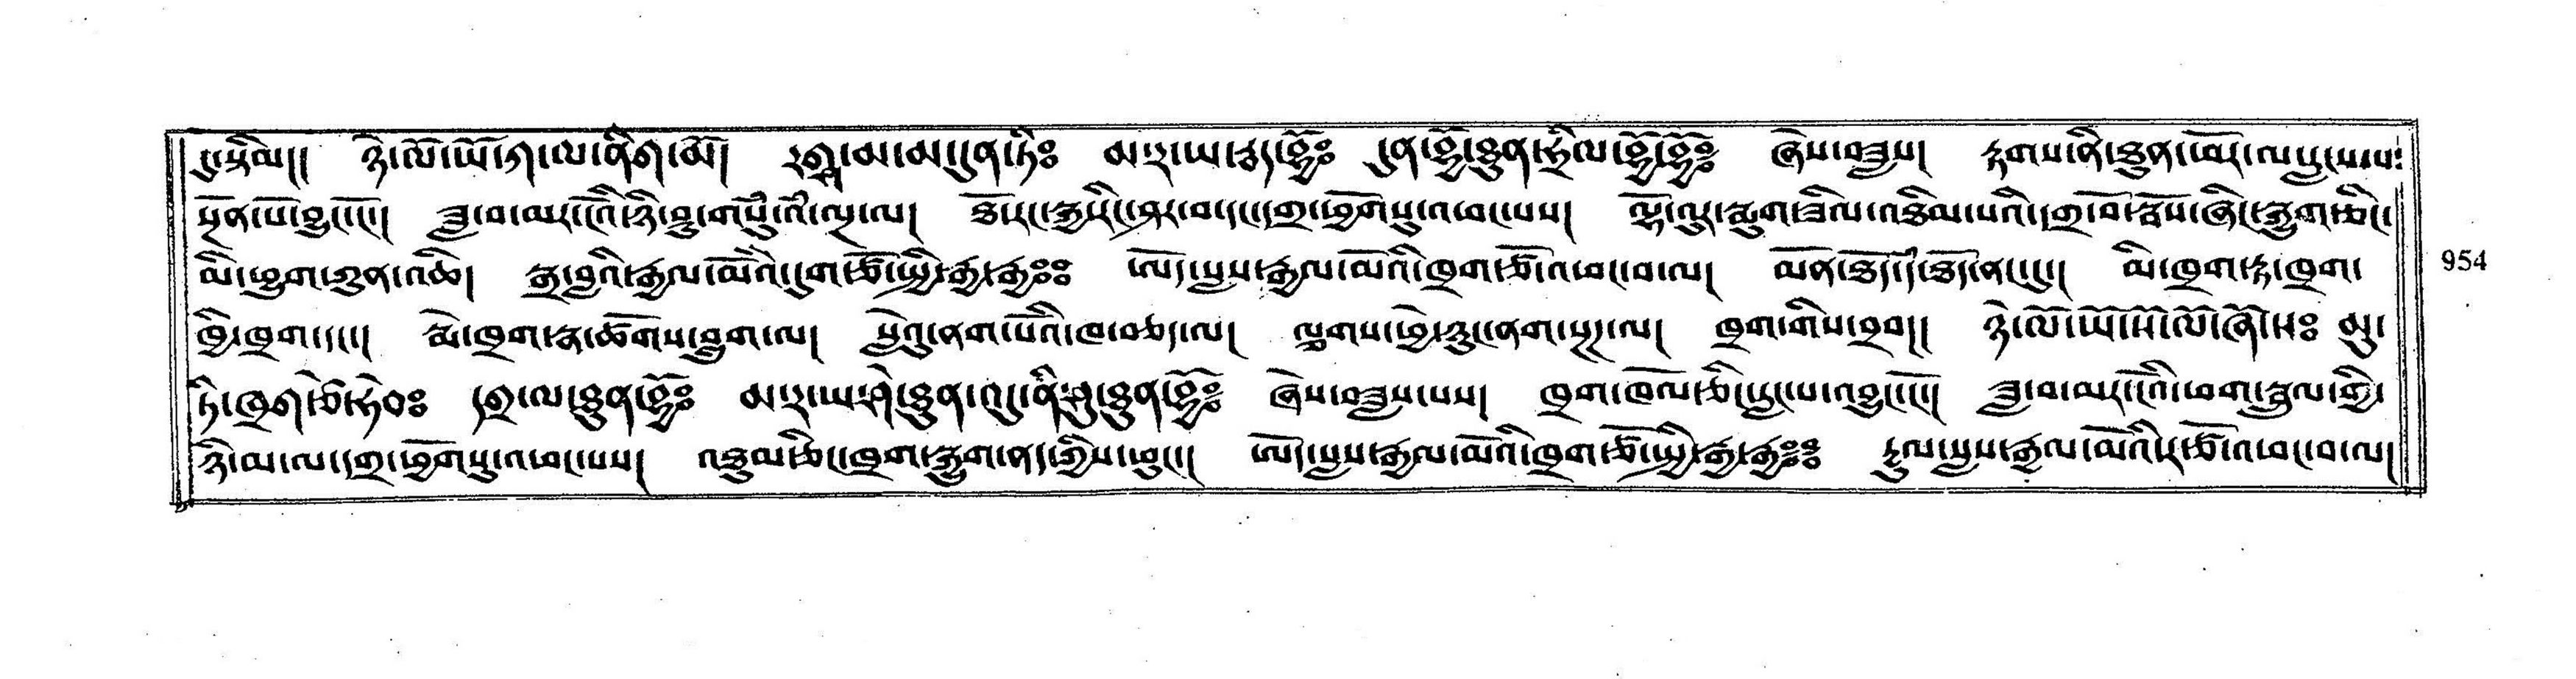དུ་སྟིམ།། ཉེ་ལོ་ཡོ་ཀ་ལ་ནིག་མོ། རགྴ་མ་མ་དུན་ཏིཿ མ་ར་ཡ་རྦད་བྷྱོ༔ དུན་བྷྱོ་ཐུན་ཧྲིལ་བྷྱོ་བྷྱོ༔ ཞེས་བཟླས། རྟགས་ནི་ཐུན་ཕོར་ལ་རླངས་པ་
སྔོན་པོ་བྱུང་ངོ་། ཟླ་བ་མར་ངོའི་ཉི་ཤུ་གསུམ་འོམ་ལྔ་ལ། ཐོ་རང་སྐྱ་རེངས་ཤར་བ་དང་དགྲ་ཕྱོགས་སུ་འཕང་པས། ལྷོ་འུར་སྨུག་ཟིལ་འཐིམ་པའི་དགྲ་བོ་སྦོས་ཞིང་སྐྱུག་ཅིང་
མི་ཕྱུག་ཀུན་འཆི། སྒྲ་བླའི་རྒྱལ་མོའི་དུག་ཙོ་སྤྱི་རྒྱ་རྒྱཿ༔ ཨོད་སླས་རྒྱལ་མོའི་ཁྲག་ཙོ་འཕང་བ་ལ། མོན་ཐོད་དམ་ཐོད་ནང་དུ། མི་ཁྲག་རྟ་ཁྲག་
ཁྱི་ཁྲག་དང་། སྨེ་ཁྲག་སྣ་ཚོགས་བླུག་ལ། སླེའུ་ནག་པོའི་ཁ་བཅད་ལ། ལྕགས་ཕྱེ་ཉུང་ནག་སྔགས་ལ། ཁྲག་གིས་བྲབ།། ཉེ་ལོ་ཡོ་སོ་ལོ་ཞོ་སཿ མུ་
ཏི་ཁྲག་ཙེ་ཧེབཿ དགྲ་ལ་ཐུན་བྷྱོཿ མ་ར་ཡ་ཤེ་ཐུན་འདུ་ནི་ཤུ་ཐུན་བྷྱོ༔ ཞེས་བཟླས་པས། ཁྲག་ཁོལ་ཅིང་རླང་པ་འབྱུང་ངོ་། ཟླ་བ་མར་ངོའི་ཕག་སྦྲུལ་གྱི་
ཉི་མ་ལ་དགྲ་ཕྱོགས་སུ་འཕང་པས། འཐུལ་ཅིང་ཁྲག་སྐྱུག་ནད་ཀྱིས་ཕུང་། ཨོད་སླས་རྒྱལ་མོའི་ཁྲག་ཙོ་སྤྱི་རྒྱ་རྒྱ༔༔ རྔུལ་སླས་རྒྱལ་མོའི་ར་ཙོ་འཕང་བ་ལ།